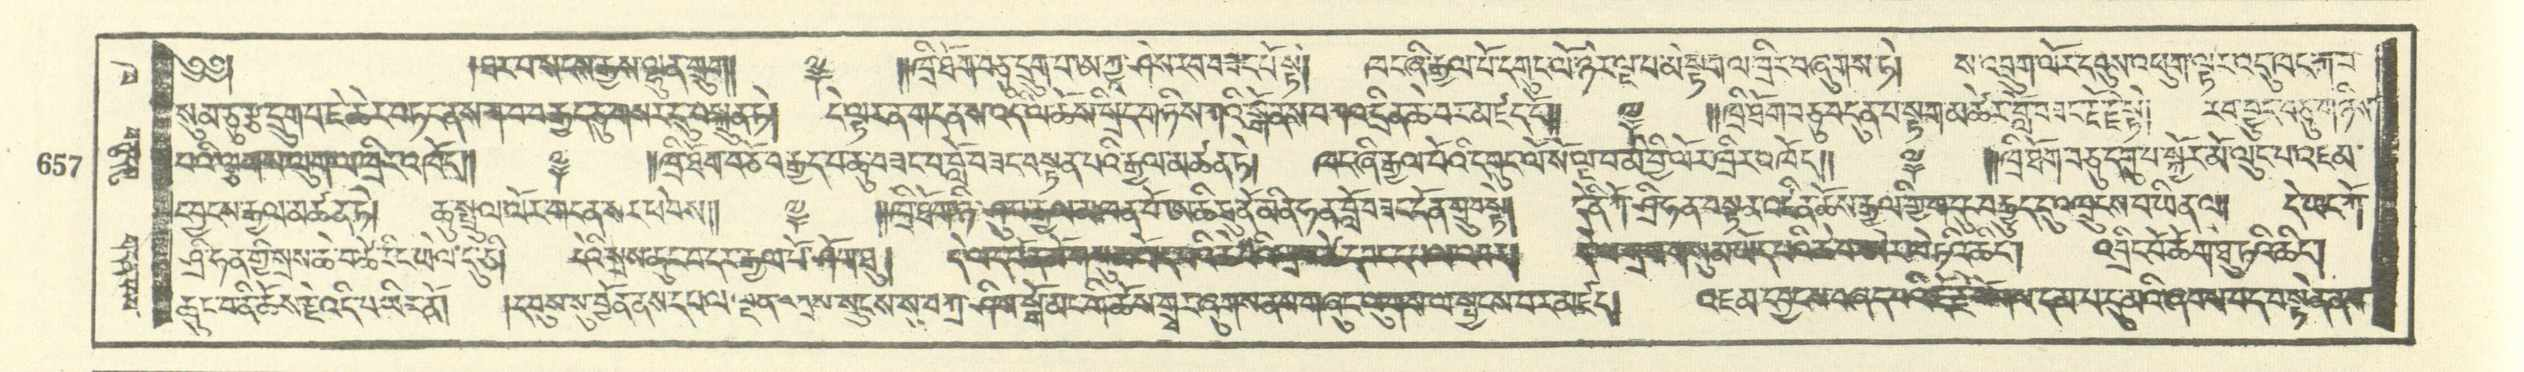༄༅། །ཐར་པ་སངས་རྒྱས་ལྷུན་གྲུབ།། ༈ །།ཁྲི་ཐོག་བཅུ་དྲུག་པ་ཨ་ཀྱཱ་ཤེས་རབ་བཟང་པོ་སྟེ། ཁང་ཞི་རྒྱལ་པོ་དགུང་ལོ་ཉེར་ལྔ་པ་མེ་སྟག་ལ་ཁྲིར་བཞུགས་ཏེ། ས་འབྲུག་ལོར་དབུས་འཕུག་ལྟར་འདུ་ཁང་ཀ་བ་
སུམ་ཅུ་རྩ་དྲུག་པ་ཇེ་ཆེར་བཏང་ནས་ཀ་བ་བརྒྱད་ཅུ་གསར་དུ་བསྐྲུན་ཏེ། དེ་ལྟར་ན་གདན་ས་འདི་ལ་ཆོས་སྲིད་གཉིས་ཀའི་སྒོ་ནས་བཀའ་དྲིན་ཆེ་བར་མཛད་དོ།། ༈ །།ཁྲི་ཐོག་བཅུ་བདུན་པ་སྟག་མཚེར་བློ་བཟང་རྡོ་རྗེ་སྟེ། རབ་བྱུང་བཅུ་གཉིས་
པའི་ལྕགས་ལུག་ལ་ཁྲིར་འཁོད།། ༈ །།ཁྲི་ཐོག་བཅོ་བརྒྱད་པ་ཆུ་བཟང་པ་བློ་བཟང་བསྟན་པའི་རྒྱལ་མཚན་ཏེ། ཁང་ཞི་རྒྱལ་པོའི་དགུང་ལོ་སོ་ལྔ་པ་མེ་བྱི་ལོར་ཁྲིར་འཁོང།། ༈ །།ཁྲི་ཐོག་བཅུ་དགུ་པ་སྐྱོར་མོ་ལུང་པ་འཇམ་
དབྱངས་རྒྱལ་མཚན་ཏེ། ཆུ་སྤྲུལ་ལོར་གདན་སར་ཕེབས།། ༈ །།ཁྲི་ཐོག་ཉི་ཤུ་པ་རྒྱལ་མཁན་པོ་ཨ་ཆི་ཐུ་ནོ་མིན་ཧན་བློ་བཟང་དོན་གྲུབ་སྟེ། དེ་ནི་ཀོ་ཤྲི་ཧན་བསྟན་འཛིན་ཆོས་རྒྱལ་གྱི་གདུང་བརྒྱུད་དུ་འཁྲུངས་པ་ཡིན་ལ། དེ་ཡང་ཀོ་
ཤྲི་ཧན་གྱི་སྲས་ཆེ་བ་ཚེ་རིང་ཡེལ་དུ་ཅི། དེའི་སྲས་ཆུང་བ་དར་རྒྱལ་པོ་ཤོག་ཐུ། དེ་ལ་དཔོན་མོ་གསུམ་ཡོད་པའི་ཆེ་པའི་སྲས་ཚེ་དབང་དཔལ་འབར། དེ་ལ་སྲས་གསུམ་ཡོད་པའི་ཆེ་བ་ཨེར་ཁེ་ཏའི་ཆིང་། འབྲིང་པོ་ཆོག་ཐུ་ཏའི་ཆིང་།
ཆུང་བ་ནི་ཆོས་རྗེ་འདི་པ་ཡིན་ནོ། །དབུས་སུ་བྱོན་ནས་དཔལ་ལྡན་འབྲས་སྤུངས་སུ་བཀྲ་ཤིས་སྒོ་མང་གི་ཆོས་གྲྭར་ཞུགས་ནས་གཞུང་ལུགས་ལ་སྦྱངས་པར་མཛད། འཇམ་དབྱངས་བཞད་པའི་རྡོ་རྗེ་སོགས་དམ་པ་དུ་མའི་ཞབས་པད་བསྟེན་ནས་